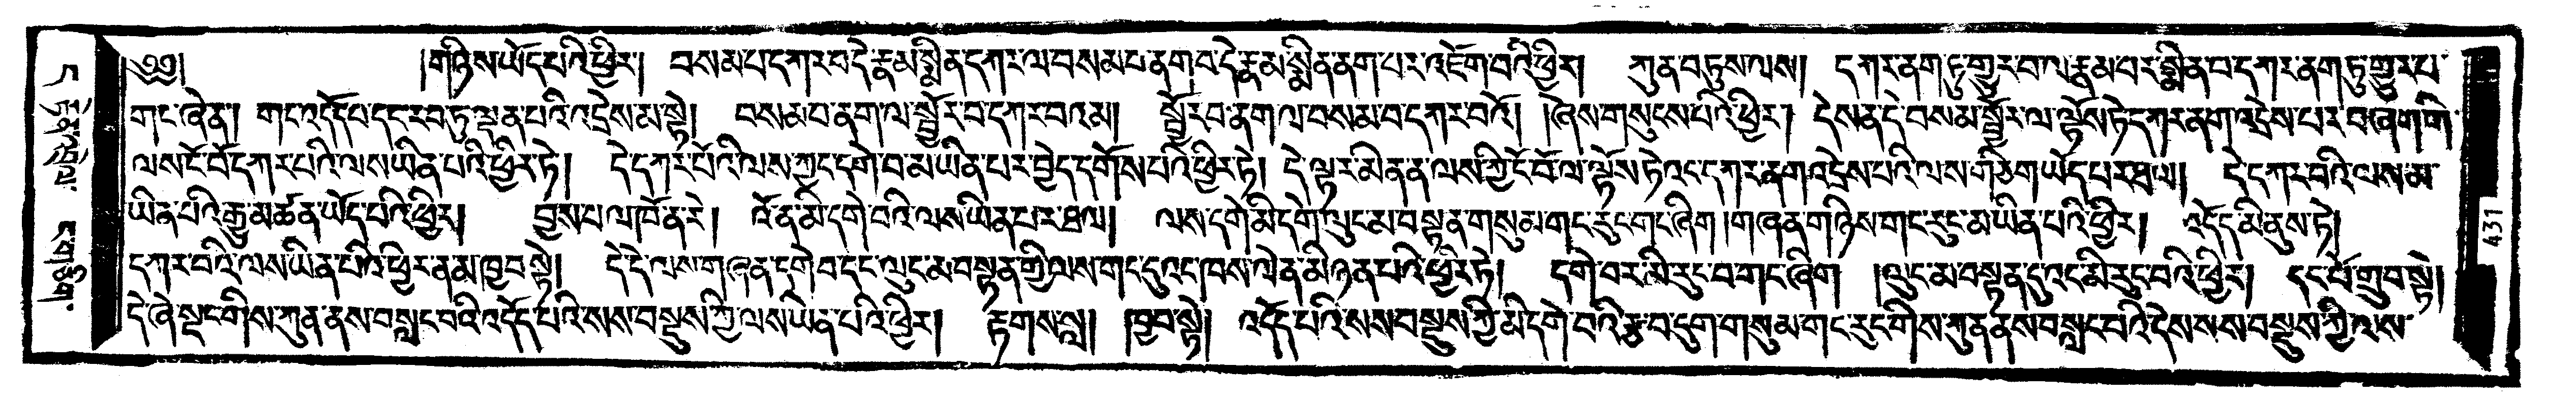༄༅། །གཉིས་ཡོད་པའི་ཕྱིར། བསམ་པ་དཀར་བ་དེ་རྣམ་སྨིན་དཀར་ལ་བསམ་པ་ནག་བ་དེ་རྣམ་སྨིན་ནག་པར་འཇོག་པའི་ཕྱིར། ཀུན་བཏུས་ལས། དཀར་ནག་ཏུ་གྱུར་བ་ལ་རྣམ་པར་སྨིན་པ་དཀར་ནག་ཏུ་གྱུར་བ་
གང་ཞེ་ན། གང་འདོད་པ་དང་རབ་ཏུ་ལྡན་པའི་འདྲེས་མ་སྟེ། བསམ་པ་ནག་ལ་སྦྱོར་བ་དཀར་བའམ། སྦྱོར་བ་ནག་ལ་བསམ་པ་དཀར་བའོ། །ཞེས་གསུངས་པའི་ཕྱིར། དེས་ན་དེ་བསམ་སྦྱོར་ལ་ལྟོས་ཏེ་དཀར་ནག་འདྲེས་པར་བཞག་གི་
ལས་ངོ་བོ་དཀར་པའི་ལས་ཡིན་པའི་ཕྱིར་ཏེ། དེ་དཀར་པོའི་ལས་ཀྱང་དགེ་བ་མ་ཡིན་པར་བྱེད་དགོས་པའི་ཕྱིར་ཏེ། དེ་ལྟར་མིན་ན་ལས་ཀྱི་ངོ་བོ་ལ་ལྟོས་ཏེའང་དཀར་ནག་འདྲེས་པའི་ལས་གཅིག་ཡོད་པར་ཐལ། དེ་དཀར་བའི་ལས་མ་
ཡིན་པའི་རྒྱུ་མཚན་ཡོད་པའི་ཕྱིར། བྱས་པ་ལ་ཁོ་ན་རེ། འོ་ན་མི་དགེ་བའི་ལས་ཡིན་པར་ཐལ། ལས་དགེ་མི་དགེ་ལུང་མ་བསྟན་གསུམ་གང་རུང་གང་ཞིག །གཞན་གཉིས་གང་རུང་མ་ཡིན་པའི་ཕྱིར། འདོད་མི་ནུས་ཏེ།
དཀར་བའི་ལས་ཡིན་པའི་ཕྱིར་ན་མ་ཁྱབ་སྟེ། དེ་དེ་ལས་གཞན་དགེ་བ་དང་ལུང་མ་བསྟན་གྱི་ལས་གང་དུའང་ཁས་ལེན་མི་ཉན་པའི་ཕྱིར་ཏེ། དགེ་བར་མི་རུང་བ་གང་ཞིག །ལུང་མ་བསྟན་དུའང་མི་རུང་བའི་ཕྱིར། དང་པོ་གྲུབ་སྟེ།
དེ་ཞེ་སྡང་གིས་ཀུན་ནས་བསླང་བའི་འདོད་པའི་སས་བསྡུས་ཀྱི་ལས་ཡིན་པའི་ཕྱིར། རྟགས་སླ། ཁྱབ་སྟེ། འདོད་པའི་སས་བསྡུས་ཀྱི་མི་དགེ་བའི་རྩ་བ་དུག་གསུམ་གང་རུང་གིས་ཀུན་ནས་བསླང་བའི་དེས་སས་བསྡུས་ཀྱི་ལས་